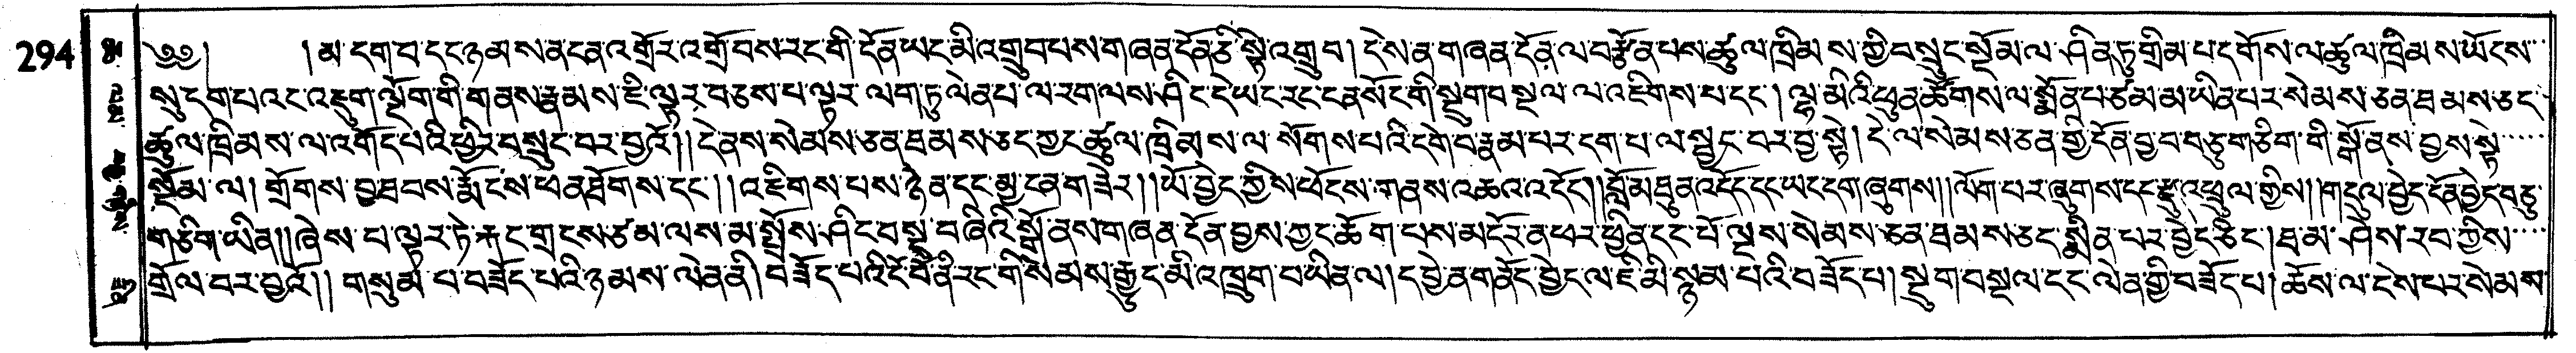༄༅། །མ་དག་པ་དང་ཉམས་ན་ངན་འགྲོར་འགྲོ་བས་རང་གི་དོན་ཡང་མི་འགྲུབ་པས་གཞན་དོན་ཅི་སྟེ་འགྲུབ། དེས་ན་གཞན་དོན་ལ་བརྩོན་པས་ཚུལ་ཁྲིམས་ཀྱི་བསྲུང་སྡོམ་ལ་ཤིན་ཏུ་གྲིམ་པ་དགོས་ལ་ཚུལ་ཁྲིམས་ཡོངས་
སུ་དག་པའང་འཇུག་ལྡོག་གི་གནས་རྣམས་ཇི་ལྟར་བཅས་པ་ལྟར་བཅས་པ་ལྟར་ལག་ཏུ་ལེན་པ་ལ་རག་ལས་ཤིང་དེ་ཡང་རང་ངན་སོང་གི་སྡུག་བསྔལ་ལ་འཇིག་པ་དང་། ལྷ་མིའི་ཕུན་ཚོགས་ལ་སྨོན་པ་ཙམ་མ་ཡིན་པར་སེམས་ཅན་ཐམས་ཅད་
ཚུལ་ཁྲིམས་ལ་འགོད་པའི་ཕྱིར་གསྲུང་བར་བྱའོ། །དེ་ནས་སེམས་ཅན་ཐམས་ཅད་ཀྱང་ཚུལ་ཁྲིམས་ལ་སོགས་པའི་དགེ་བ་རྣམ་པར་དག་པ་ལ་སྦྱང་བར་བྱ་སྟེ། དེ་ལ་སེམས་ཅན་གྱི་དོན་བྱ་བ་བཅུ་གཅིག་གི་སྒོ་ནས་བྱས་སྟེ་
སྡོམ་ལ། གྲོགས་བྱ་ཐབས་རྨོངས་ཕན་ཐོགས་དང་། །འཇིགས་པས་ཉེན་དང་མྱ་ངན་གཟེར། །ཡོ་བྱེད་ཀྱིས་ཕོངས་གནས་འཆའ་འདོད། །བློ་མཐུན་འདོད་དང་ཡང་དག་ཞུགས། །ལོག་པར་ཞུགས་དང་རྫུ་འཕྲུལ་གྱིས། །གདུལ་བྱེད་དོན་བྱེད་བཅུ་
གཅིག་ཡིན། །ཞེས་པ་ལྟར་ཏེ་རྐང་གྲངས་ཙམ་ལས་མ་སྤྲོས་ཤིང་བསྡུ་བཞིའི་སྒོ་ནས་གཞན་དོན་བྱས་ཀྱང་ཆོག་པས་མདོར་ན་ཕར་ཕྱིན་དང་པོ་ལྔས་སེམས་ཅན་ཐམས་ཅད་སྨིན་པར་བྱེད་ཅིང་། ཐ་མ་ཤེས་རབ་ཀྱིས་
གྲོལ་བར་བྱའོ། །གསུམ་པ་བཟོད་པའི་ཉམས་ལེན་ནི། བཟོད་པའི་ངོ་བོ་ནི་རང་གི་སེམས་རྒྱུད་མི་འཁྲུག་པ་ཡིན་ལ། དབྱེ་ན་གནོད་བྱེད་ལ་ཇི་མི་སྙམ་པའི་བཟོད་པ། སྡུག་བསྔལ་དང་ལེན་གྱི་བཟོད་པ། ཆོས་ལ་ངེས་པར་སེམས་